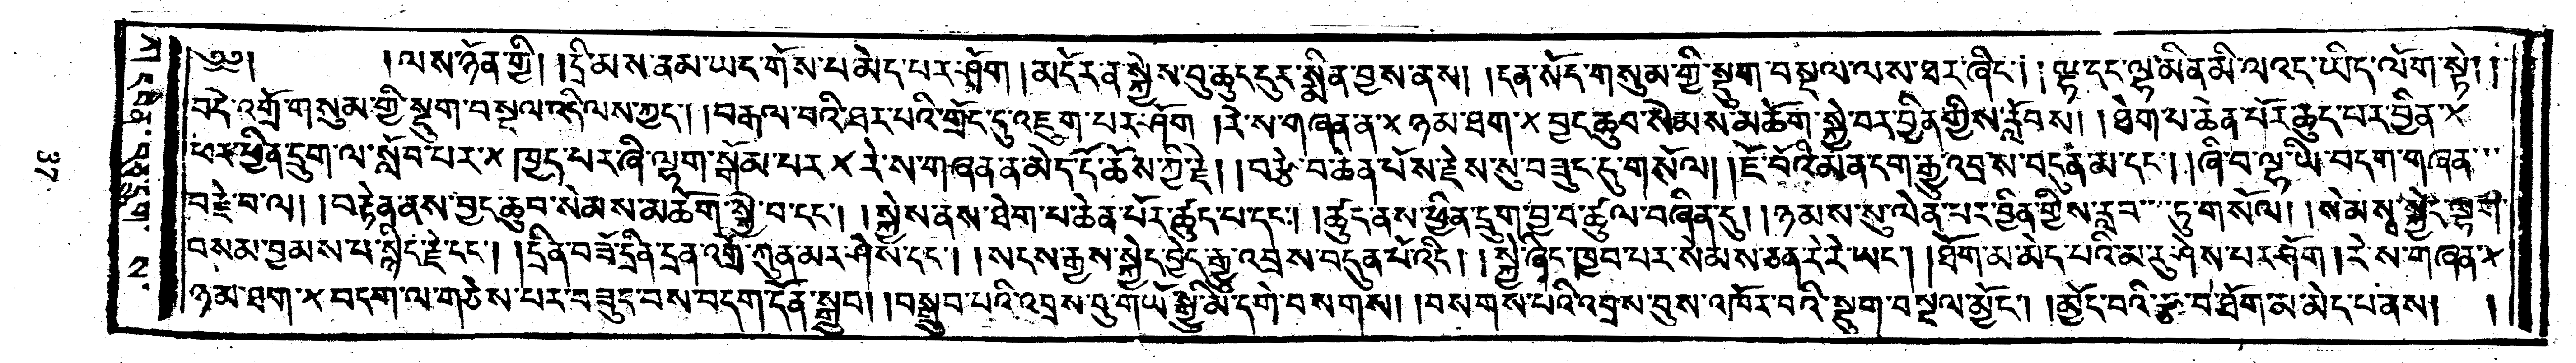༄༅། །ལས་ཉོན་གྱི། །དྲི་མས་ནམ་ཡང་གོས་པ་མེད་པར་ཤོག །མདོར་ན་སྐྱེས་བུ་ཆུང་ངུར་སྨིན་བྱས་ནས། །དན་སོང་གསུམ་གྱི་སྡུག་བསྔལ་ལས་ཐར་ཞིང་། །ལྷ་དང་ལྷ་མིན་མི་ལའང་ཡིད་ལོག་སྟེ།།
བདེ་འགྲོ་གསུམ་གྱི་སྡུག་བསྔལ་འདི་ལས་ཀྱང་། །བརྒལ་བའི་ཐར་པའི་གྲོང་དུ་འཇུག་པར་ཤོག །རེ་ས་གཞན་ན་྾་ཉམ་ཐག་྾་བྱང་ཆུབ་སེམས་མཆོག་སྐྱེ་བར་བྱིན་གྱིས་རློབས། །ཐེག་པ་ཆེན་པོར་ཆུང་པར་བྱིན་྾་
ཕར་ཕྱིན་དྲུག་ལ་སློབ་པར་྾་ཁྱད་པར་ཞི་ལྷག་སྒོམ་པར་྾་རེ་ས་གཞན་ན་མེད་དོ་ཆོས་ཀྱི་རྗེ། །བརྩེ་བ་ཆེན་པོས་རྗེས་སུ་བཟུང་དུ་གསོལ། །ཇོ་བོའི་མན་ངག་རྒྱུ་འབྲས་བདུན་མ་དང་། །ཞི་བ་ལྷ་ཡི་བདག་གཞན་
བརྗེ་བ་ལ། །བརྟེན་ནས་བྱང་ཆུབ་སེམས་མཆོག་སྐྱེ་བ་དང་། །སྐྱེས་ནས་ཐེག་པ་ཆེན་པོར་ཚུད་པ་དང་། །ཚུད་ནས་ཕྱིན་དྲུག་བྱ་བ་ཚུལ་བཞིན་དུ། །ཉམས་སུ་ལེན་པར་བྱིན་གྱིས་རླབ་ཏུ་གསོལ། །སེམས་སྐྱེད་ལྷག་
བསམ་བྱམས་པ་སྙིང་རྗེ་དང་། །དྲིན་བཟོ་དྲིན་དྲན་འགྲོ་ཀུན་མར་ཤེས་དང་། །སངས་རྒྱས་སྐྱེད་བྱེད་རྒྱུ་འབྲས་བདུན་པོ་འདི། །སྐྱེ་ཞིང་ཁྱབ་པར་སེམས་ཅན་རེ་རེ་ཡང་། །ཐོག་མ་མེད་པའི་མ་རུ་ཤེས་པར་ཤོག །རེ་ས་གཞན་྾་
ཉམ་ཐག་྾་བདག་ལ་གཅེས་པར་བཟུང་བས་བདག་དོན་སྒྲུབ། །བསྒྲུབ་པའི་འབྲས་བུ་གཡོ་སྒྱུ་མི་དགེ་བསགས། །བསགས་པའི་འབྲས་བུས་འཁོར་བའི་སྡུག་བསྔལ་མྱོང་། །མྱོང་པའི་རྩ་བ་ཐོག་མ་མེད་པ་ནས། །